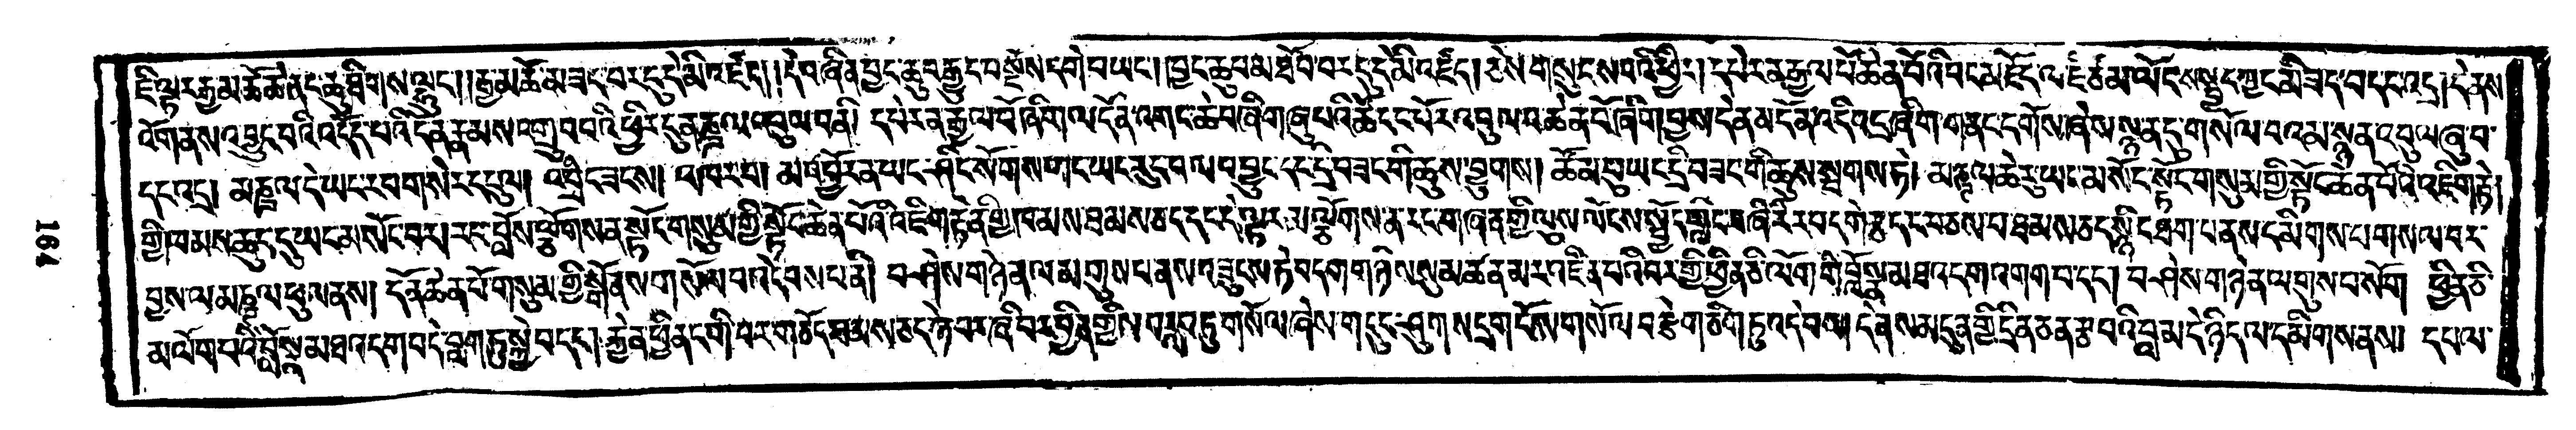ཇི་ལྟར་རྒྱ་མཚོ་ཆེ་ནང་ཆུ་ཐིགས་ལྷུང་། །རྒྱ་མཚོ་མ་ཟད་པར་དུ་དེ་མི་འཛད། །དེ་བཞིན་བྱང་ཆུབ་རྒྱུད་བསྔོས་དགེ་བ་ཡང་། །བྱང་ཆུབ་མཐོབ་བར་དུ་དེ་མི་འཛད། ཅེས་གསུངས་བའི་ཕྱིར། དཔེར་ན་རྒྱལ་པོ་ཆེན་པོའི་བང་མཛོད་ལ་ཇི་ཙམ་ལོངས་སྤྱད་ཀྱང་མི་ཟད་བ་དང་འདྲ། དེ་ནས་
འོག་ནས་འབྱུང་བའི་འདོད་པའི་དོན་རྣམས་འགྲུབ་པའི་ཕྱིར་དུ་ནཎྜལ་འབུལ་བ་ནི། དཔེར་ན་རྒྱལ་བོ་ཞིག་ལ་དོན་འགང་ཆེ་བཞི་གཞུ་པའི་ཚོ་དང་པོར་འབུལ་བ་ཆེན་པོ་ཞིག་བྱས་དེ་ན་མངོན་འདི་འདྲ་ཞིག་གནང་དགོས་ཞེས་སྙན་དུ་གསོལ་བའམ་སྙན་འབུལ་ཞུ་བ་
དང་འདྲ། མཎྜལ་དེ་ཡང་རབ་གསེར་དངུལ། འབྲིང་ཟངས། འཁར་པ། མ་འབྱོར་ན་ཡང་ཤིང་སོགས་གང་ཡང་རུང་བ་ལ་འབྱུང་དང་དྲི་བཟང་གི་ཆུས་བྱུགས། ཚོམ་བུ་ཡང་དྲི་བཟང་གི་ཆུས་སྤགས་ཏེ། མཎྜལ་ཆེ་རུ་ཡང་མ་སོང་སྟོང་གསུམ་གྱི་སྟོང་ཆེན་པོའི་འཇིག་རྟེ།
གྱི་ཁམས་ཆུང་དུ་ཡང་མ་སོང་བར། རང་བློས་ལྕོགས་ན་སྟོང་གསུམ་གྱི་སྟོབ་ཆེན་པོའི་འཇིག་རྟེན་གྱི་ཁམས་ཐམས་ཅད་དང་དེ་ལྟར་མ་ལྕོགས་ན་རང་གཞན་གྱི་ལུས་ལོངས་སྤྱོད་གླིང་བཞི་རི་རབ་དགེ་རྩ་དང་བཅས་པ་ཐམས་ཅད་སྙིང་ཐག་པ་ནས་དམིགས་པ་གསལ་བར་
བྱས་ལ་མཎྜལ་ཕུལ་ནས། དོན་ཆེན་པོ་གསུམ་གྱི་སྒོ་ནས་གསོལ་བ་འདེབས་པ་ནི། བཤེས་གཉེན་ལམ་གུས་པ་ནས་བཟུངས་ཏེ་བདག་གཉིས་སུ་མཚན་མར་འཛིན་པའི་བར་གྱི་ཕྱིན་ཅི་ལོག་གི་བློ་སྣ་མཐའ་དག་འགག་པ་དང་། བཤེས་གཉེན་ལ་གུས་བ་སོག་ཕྱིན་ཅི་
མ་ལོག་པའི་བློ་སྣ་མཐའ་དག་བདེ་བླག་ཏུ་སྐྱེ་བ་དང་། རྐྱེན་ཕྱི་ནང་གི་བར་གཅོད་ཐམས་ཅད་ཉེ་བར་ཞི་བར་བྱིན་གྱིས་བརླབ་ཏུ་གསོལ་ཞེས་གདུང་ཤུགས་དྲག་ངོས་གསོལ་བརྩེ་གཅིག་ཏུ་འདེབས། དེ་ནས་མདུན་གྱི་དྲིན་ཅན་རྩ་བའི་བླ་མ་དེ་ཉིད་ལ་དམིགས་ནས། དཔལ་